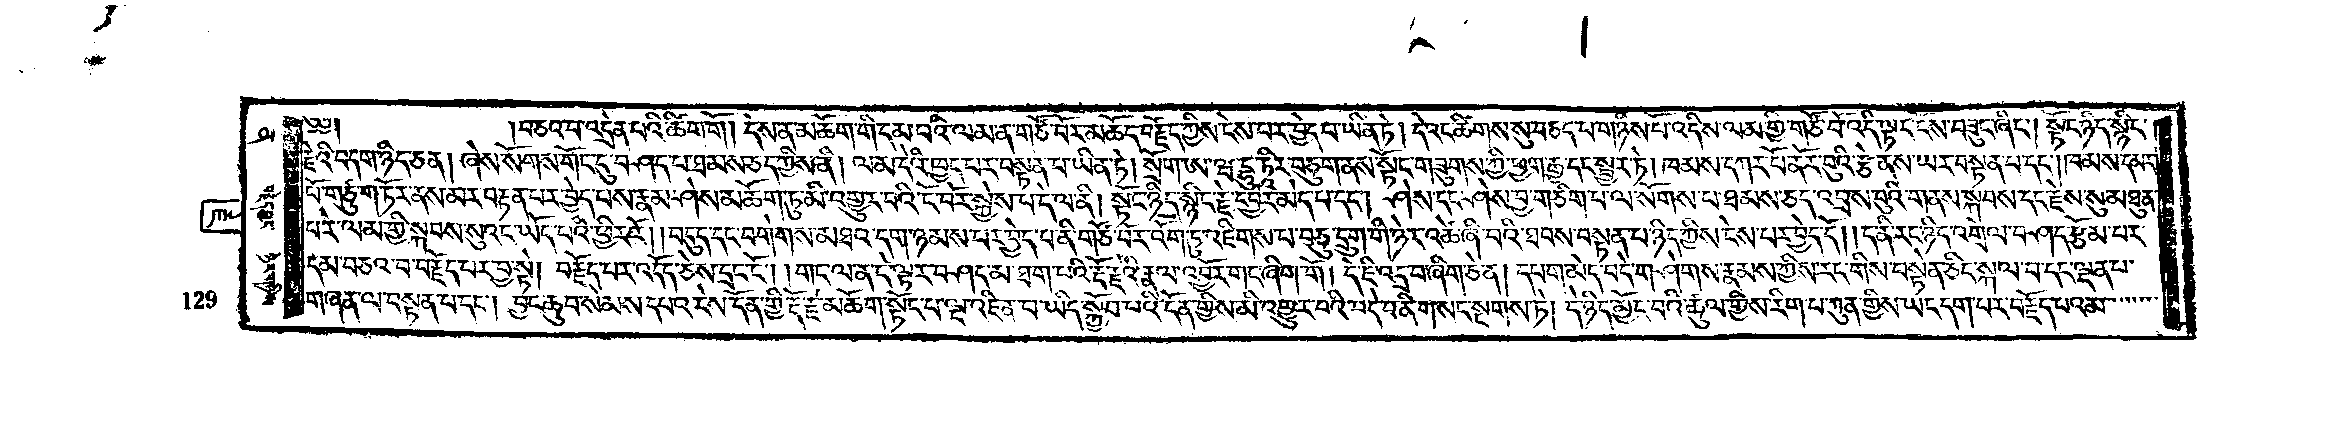༄༅། །བཅའ་བ་འདྲེན་པའི་ཚིག་གོ །དེས་ན་མཆོག་གི་དམ་པའི་ལམ་ནི་གཙོ་བོར་མཆོད་བརྗོད་ཀྱིས་ངེས་པར་བྱེད་པ་ཡིན་ཏེ། དེའང་ཚིགས་སུ་བཅད་པ་གཉིས་པོ་འདིས་ལམ་གྱི་གཙོ་བོ་འདི་ལྟར་ངོས་བཟུང་ཞིང་། སྟོང་ཉིད་སྙིང་
རྗེའི་བདག་ཉིད་ཅན། ཞེས་སོགས་གོང་དུ་བཤད་པ་ཐམས་ཅད་ཀྱིས་ནི། ལམ་དེའི་ཁྱད་པར་བསྟན་པ་ཡིན་ཏེ། སྲོག་ཨ་ཝ་དྷུ་ཏཱིར་བཅུག་ནས་སྟོང་གཟུགས་ཀྱི་ཕྱག་རྒྱ་དང་སྦྱར་ཏེ། ཁམས་དཀར་པོ་ནོར་བུའི་རྩེ་ནས་ཡར་བསྟན་པ་དང་། ཁམས་དམར་
པོ་གཙུག་ཏོར་ནས་མར་བརྟན་པར་བྱེད་པས་རྣམ་ཤེས་མཆོག་ཏུ་མི་འགྱུར་བའི་ངོ་བོར་སྐྱེས་པ་དེ་ལ་ནི། སྟོང་ཉིད་སྙིང་རྗེ་དབྱེར་མེད་པ་དང་། ཤེས་དང་ཤེས་བྱ་གཅིག་པ་ལ་སོགས་པ་ཐམས་ཅད་འབྲས་བུའི་གནས་སྐབས་དང་རྗེས་སུ་མཐུན་
པ་རེ་ལམ་གྱི་སྐབས་སུའང་ཡོད་པའི་ཕྱིར་རོ། །བདུད་དང་བགེགས་མཐའ་དག་ཉམས་པར་བྱེད་པ་ནི་གཙོ་བོར་འོག་ཏུ་འཇིགས་པ་བཅུ་དྲུག་གི་ཉེར་འཚེ་ཞི་བའི་ཐབས་བསྟན་པ་ཉིད་ཀྱིས་ངེས་པར་བྱེད་དོ། །ད་ནི་རང་ཉིད་འགྲེལ་བཤད་རྩོམ་པར་
དམ་བཅའ་བ་བརྗོད་པར་བྱ་སྟེ། བརྗོད་པར་འདོད་ཅེས་དྲང་ངོ། །གང་ལ་ན་དེ་ལྟར་བཤད་མ་ཐག་པའི་རྡོ་རྗེའི་རྣལ་འབྱོར་གང་ཞིག་གོ །དེ་ཇི་འདྲ་བ་ཞིག་ཅེ་ན། དཔག་མེད་བདེ་གཤེགས་རྣམས་ཀྱིས་རང་གིས་བསྟེན་ཅིང་སྐལ་བ་དང་ལྡན་པ་
གཞན་ལ་བསྟན་པ་དང་། བྱང་ཆུབ་སེམས་དཔའ་ངེས་དོན་གྱི་རྡོ་རྗེ་མཆོག་སྟོང་པ་ལྔ་འཛིན་པ་ཡིད་སྐྱོབ་པའི་དོན་གྱིས་མི་འགྱུར་བའི་བདེ་བ་ནི་གསང་སྔགས་ཏེ། དེ་ཉིད་མྱོང་བའི་ཚུལ་གྱིས་རིག་པ་ཀུན་གྱིས་ཡང་དག་པར་བརྗོད་པའམ་